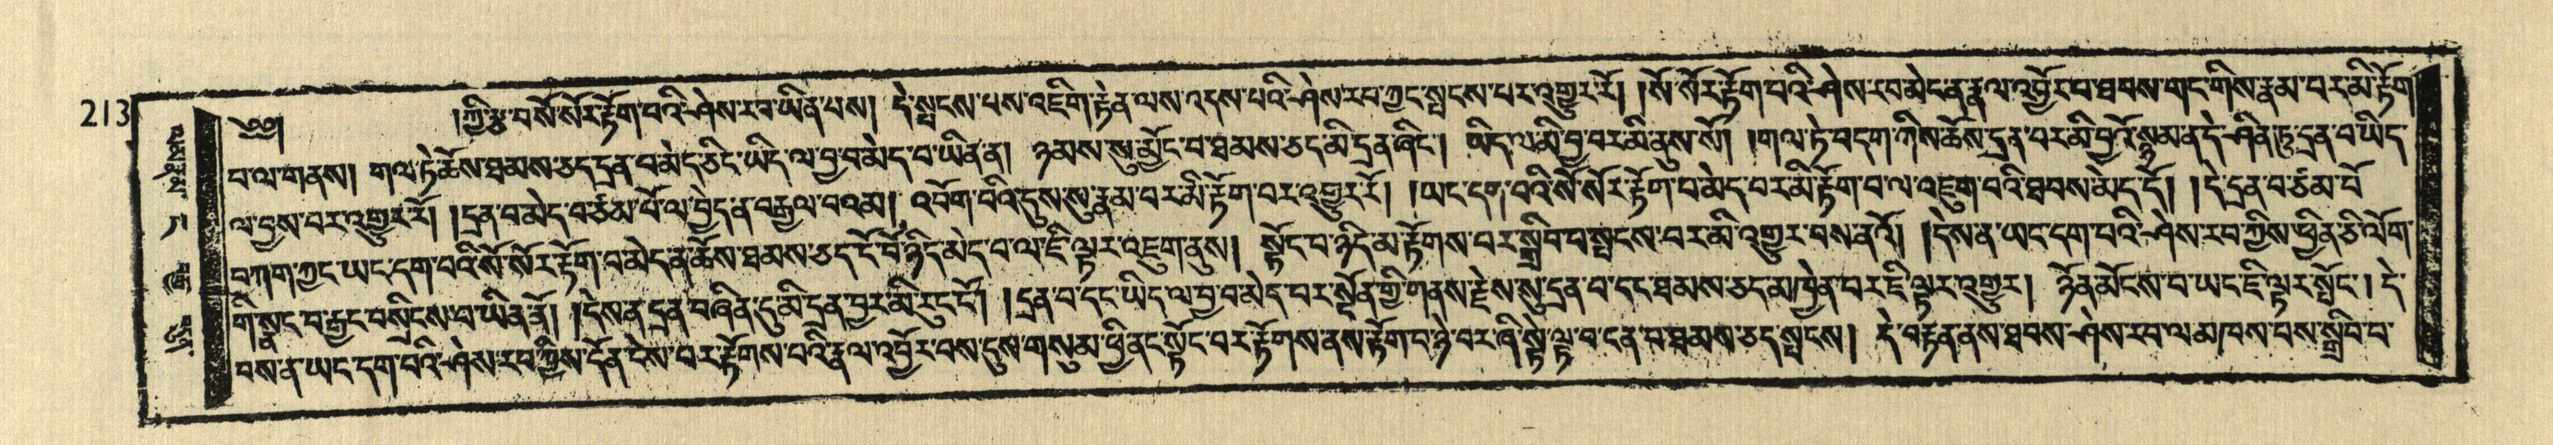༄༅། །ཀྱི་རྩ་བསོ་སོར་རྟོག་པའི་ཤེས་རབ་ཡིན་པས། དེ་སྤངས་པས་འཇིག་རྟེན་ལས་འདས་པའི་ཤེས་རབ་ཀྱང་སྤངས་པར་འགྱུར་རོ། །སོ་སོར་རྟོག་པའི་ཤེས་རབ་མེད་ན་རྣལ་འབྱོར་བ་ཐབས་གང་གིས་རྣམ་བར་མི་རྟོག་
པ་ལ་གནས། གལ་ཏེ་ཆོས་ཐམས་ཅད་དྲན་པ་མེད་ཅིང་ཡིད་ལ་བྱ་བ་མེད་པ་ཡིན་ན། ཉམས་སུ་མྱོང་བ་ཐམས་ཅད་མི་དྲན་ཞིང་། ཡིད་ལ་མི་བྱ་བར་མི་ནུས་སོ། །གལ་ཏེ་བདག་གིས་ཆོས་དྲན་བར་མི་བྱའོ་སྙམ་ན་དེ་ཤིན་ཏུ་དྲན་བ་ཡིད་
ལ་བྱས་བར་འགྱུར་རོ། །དྲན་བ་མེད་བ་ཙམ་པོ་ལ་བྱེད་ན་བརྒྱལ་བའམ། འབོག་བའི་དུས་སུ་རྣམ་པར་མི་རྟོག་པར་འགྱུར་རོ། །ཡང་དག་བའི་སོ་སོར་རྟོག་པ་མེད་བར་མི་རྟོག་བ་ལ་འཇུག་པའི་ཐབས་མེད་དོ། །དེ་དྲན་བ་ཙམ་བོ་
བཀག་ཀྱང་ཡང་དག་བའི་སོ་སོར་རྟོག་པ་མེད་ན་ཆོས་ཐམས་ཅད་ངོ་བོ་ཉིད་མེད་བ་ལ་ཇི་ལྟར་འཇུག་ནུས། སྟོང་བ་ཉིད་མ་རྟོགས་བར་སྒྲིབ་བ་སྤངས་བར་མི་འགྱུར་བས་ནའོ། །དེས་ན་ཡང་དག་བའི་ཤེས་རབ་ཀྱིས་ཕྱིན་ཅི་ལོག་
གི་སྣང་བ་རྒྱང་བསྲིངས་པ་ཡིན་ནོ། །དེས་ན་དྲན་བཞིན་དུ་མི་དྲན་བྱར་མི་རུང་ངོ། །དྲན་པ་དང་ཡིད་ལ་བྱ་བ་མེད་པར་སྔོན་གྱི་གནས་རྗེས་སུ་དྲན་བ་དང་ཐམས་ཅད་མཁྱེན་བར་ཇི་ལྟར་འགྱུར། ཉོན་མོངས་བ་ཡང་ཇི་ལྟར་སྤོང་། དེ་
བས་ན་ཡང་དག་བའི་ཤེས་རབ་ཀྱིས་དོན་ངེས་བར་རྟོགས་པའི་རྣལ་འབྱོར་བས་དུས་གསུམ་ཕྱི་ནང་སྟོང་བར་རྟོགས་ནས་རྟོག་བ་ཉེ་བར་ཞི་སྟེ་ལྟ་བ་ངན་བ་ཐམས་ཅད་སྤངས། དེ་བརྟན་ནས་ཐབས་ཤེས་རབ་ལ་མཁས་པས་སྒྲིབ་པ་